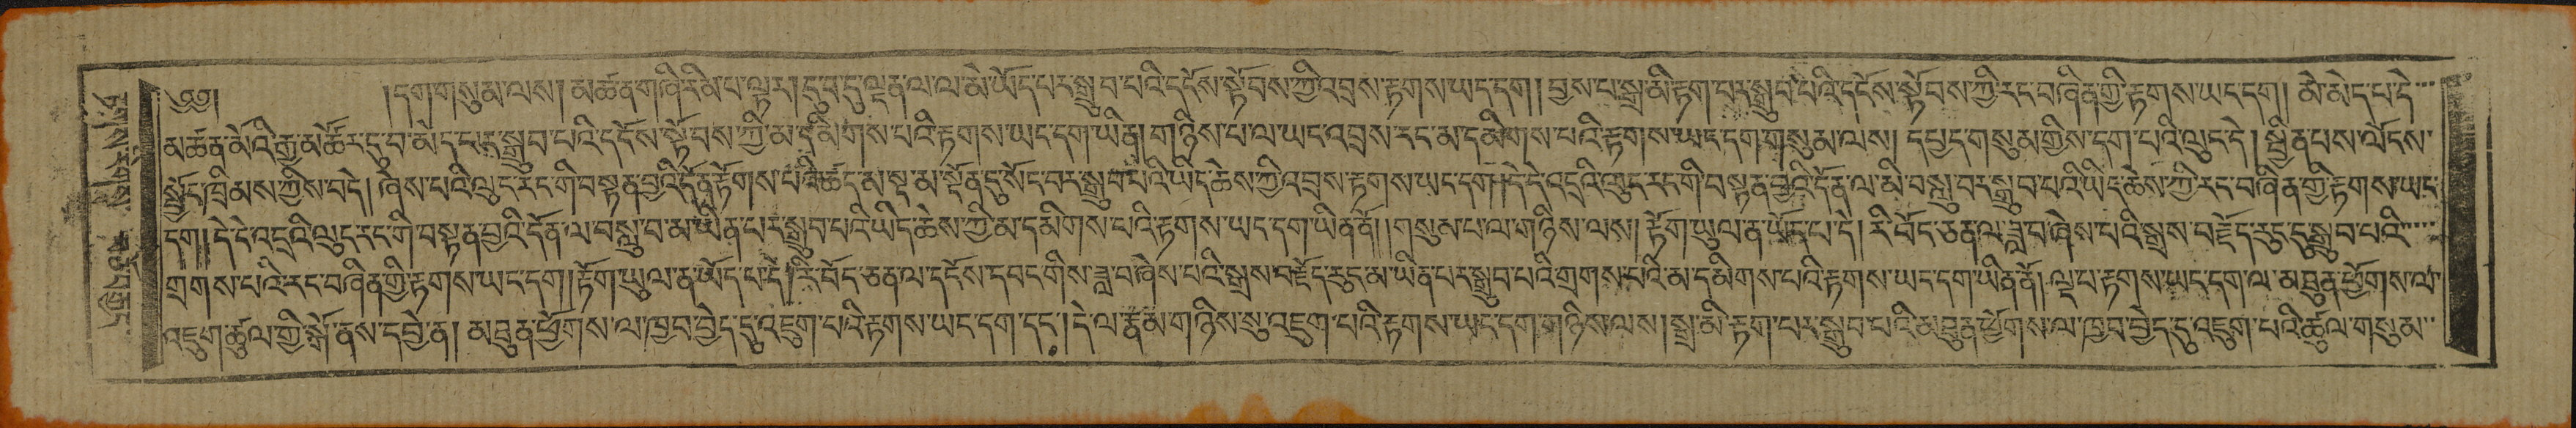༄༅། །དག་གསུམ་ལས། མཚན་གཞི་རིམ་པ་ལྟར། དུ་བ་དུ་ལྡན་ལ་ལ་མེ་ཡོད་པར་སྒྲུབ་པའི་དངོས་སྟོབས་ཀྱི་འབྲས་རྟགས་ཡང་དག །བྱས་པ་སྒྲ་མི་རྟག་པར་སྒྲུབ་པའི་དངོས་སྟོབས་ཀྱི་རང་བཞིན་གྱི་རྟགས་ཡང་དག །མེ་མེད་པ་དེ་
མཚན་མོའི་རྒྱ་མཚོར་དུ་བ་མེད་པར་སྒྲུབ་པའི་དངོས་སྟོབས་ཀྱི་མ་དམིགས་པའི་རྟགས་ཡང་དག་ཡིན། གཉིས་པ་ལ་ཡང་འབྲས་རང་མ་དམིགས་པའི་རྟགས་ཡང་དག་གསུམ་ལས། དཔྱད་གསུམ་གྱིས་དག་པའི་ལུང་དེ། སྦྱིན་པས་ལོངས་
སྤྱོད་ཁྲིམས་ཀྱིས་བདེ། ཞེས་པའི་ལུང་རང་གི་བསྟན་བྱའི་དོན་རྟོགས་པའི་ཚད་མ་སྔ་མ་སྔོན་དུ་སོང་བར་སྒྲུབ་པའི་ཡིད་ཆེས་ཀྱི་འབྲས་རྟགས་ཡང་དག །དེ་དེ་འདྲའི་ལུང་རང་གི་བསྟན་བྱའི་དོན་ལ་མི་བསླུ་བར་སྒྲུབ་པའི་ཡིད་ཆེས་ཀྱི་རང་བཞིན་གྱི་རྟགས་ཡང་
དག །དེ་དེ་འདྲའི་ལུང་རང་གི་བསྟན་བྱའི་དོན་ལ་བསླུ་བ་མ་ཡིན་པར་སྒྲུབ་པའི་ཡིད་ཆེས་ཀྱི་མ་དམིགས་པའི་རྟགས་ཡང་དག་ཡིན་ནོ། །གསུམ་པ་ལ་གཉིས་ལས། རྟོག་ཡུལ་ན་ཡོད་པ་དེ། རི་བོང་ཅན་ལ་ཟླ་བ་ཞེས་པའི་སྒྲས་བརྗོད་རུང་དུ་སྒྲུབ་པའི་
གྲགས་པའི་རང་བཞིན་གྱི་རྟགས་ཡང་དག །རྟོག་ཡུལ་ན་ཡོད་པ་དེ། རི་བོང་ཅན་ལ་དངོས་དབང་གིས་ཟླ་བ་ཞེས་པའི་སྒྲས་བརྗོད་རུང་མ་ཡིན་པར་སྒྲུབ་པའི་གྲགས་པའི་མ་དམིགས་པའི་རྟགས་ཡང་དག་ཡིན་ནོ། ལྔ་པ་རྟགས་ཡང་དག་ལ་མཐུན་ཕྱོགས་ལ་
འཇུག་ཚུལ་གྱི་སྒོ་ནས་དབྱེ་ན། མཐུན་ཕྱོགས་ལ་ཁྱབ་བྱེད་དུ་འཇུག་པའི་རྟགས་ཡང་དག་དང་། དེ་ལ་རྣམ་གཉིས་སུ་འཇུག་པའི་རྟགས་ཡང་དག་གཉིས་ལས། སྒྲ་མི་རྟག་པར་སྒྲུབ་པའི་མཐུན་ཕྱོགས་ལ་ཁྱབ་བྱེད་དུ་འཇུག་པའི་ཚུལ་གསུམ་